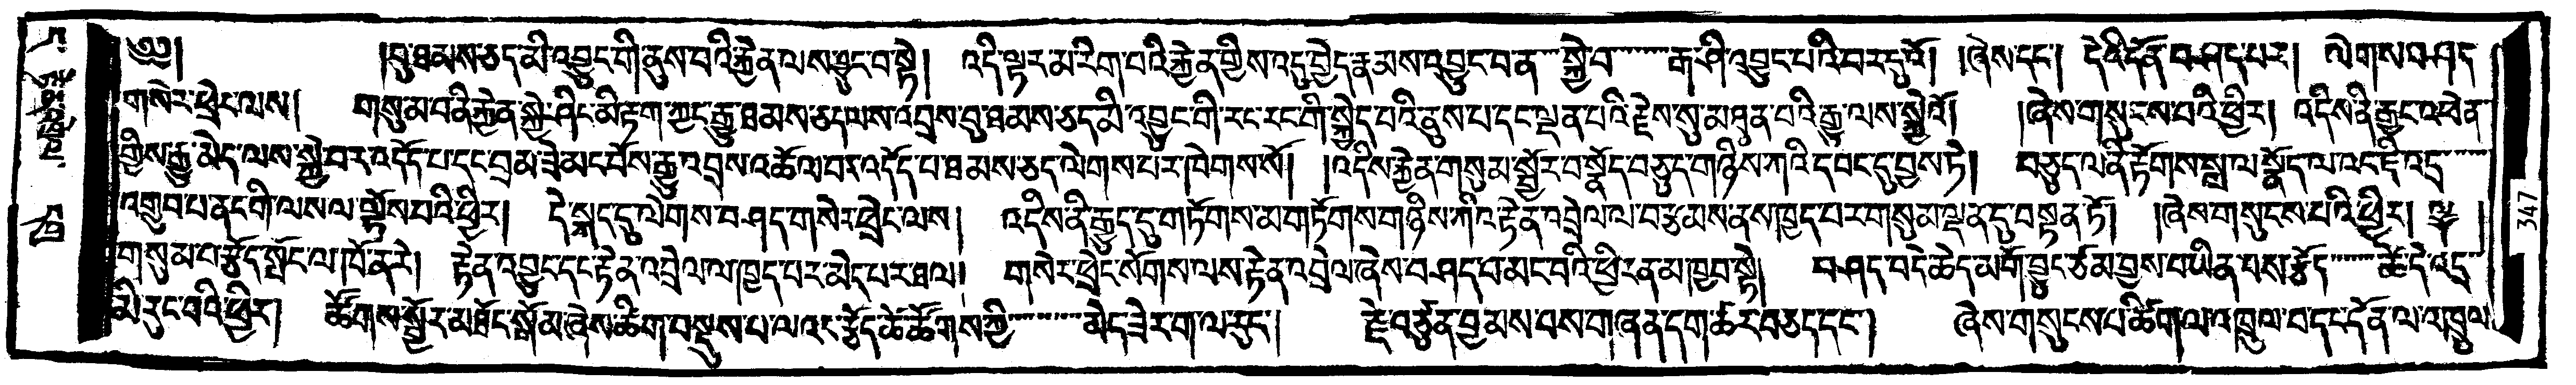༄༅། །བུ་ཐམས་ཅད་མི་འབྱུང་གི་ནུས་པའི་རྐྱེན་ལས་བྱུང་བ་སྟེ། འདི་ལྟར་མ་རིག་པའི་རྐྱེན་གྱིས་འདུ་བྱེད་རྣམས་འབྱུང་བ་ན་སྐྱེ་བ་རྒ་ཤི་འབྱུང་པའི་བར་དུའོ། །ཞེས་དང་། དེའི་དོན་བཤད་པར། ལེགས་བཤད་
གསེར་ཕྲེང་ལས། གསུམ་པ་ནི་རྐྱེན་སྐྱེ་ཤིང་མི་རྟག་ཀྱང་རྒྱུ་ཐམས་ཅད་ལས་འབྲས་བུ་ཐམས་ཅད་མི་འབྱུང་གི་རང་རང་གི་སྐྱེད་པའི་ནུས་པ་དང་ལྡན་པའི་རྗེས་སུ་མཐུན་པའི་རྒྱུ་ལས་སྐྱེའོ། །ཞེས་གསུངས་པའི་ཕྱིར། འདིས་ནི་རྒྱང་འཕེན་
གྱིས་རྒྱུ་མེད་ལས་སྐྱེ་བར་འདོད་པ་དང་བྲམ་ཟེ་མང་པོས་རྒྱུ་འབྲས་འཆོལ་བར་འདོད་པ་ཐམས་ཅད་ལེགས་པར་ཁེགས་སོ། །འདིས་རྐྱེན་གསུམ་སྦྱོར་བ་སྣོད་བཅུད་གཉིས་ཀའི་དབང་དུ་བྱས་ཏེ། བཅུད་ལ་ནི་རྟོགས་སླ་ལ་སྣོད་ལའང་ཇི་འདྲ་
འགྲུབ་པ་ནང་གི་ལས་ལ་ལྟོས་པའི་ཕྱིར། དེ་སྐད་དུ་ལེགས་བཤད་གསེར་ཕྲེང་ལས། འདིས་ནི་རྒྱུད་དུ་གཏོགས་མ་གཏོགས་གཉིས་ཀའི་རྟེན་འབྲེལ་ལ་བརྩམས་ནས་ཁྱད་པར་གསུམ་ལྡན་དུ་བསྟན་ཏོ། །ཞེས་གསུངས་པའི་ཕྱིར། ༈ །
གསུམ་པ་རྩོད་སྤོང་ལ་ཁོ་ན་རེ། རྟེན་འབྱུང་དང་རྟེན་འབྲེལ་ལ་ཁྱད་པར་མེད་པར་ཐལ། གསེར་ཕྲེང་སོགས་ལས་རྟེན་འབྲེལ་ཞེས་བཤད་པ་མང་བའི་ཕྱིར་ན་མ་ཁྱབ་སྟེ། བཤད་བདེ་ཆེད་མགོ་བྱུང་ཙམ་བྱས་པ་ཡིན་པས་རྩོད་ཚེ་དེ་འདྲ་
མི་རུང་བའི་ཕྱིར། ཚོགས་སྦྱོར་མཐོང་སྒོམ་ཞེས་ཚིག་བསྡུས་པ་ལའང་རྩོད་ཚེ་ཚོགས་ཀྱི་མེད་ཟེར་ག་ལ་རུང་། རྗེ་བཙུན་བྱམས་པས་གཞན་དག་ཚར་བཅད་དང་། ཞེས་གསུངས་པ་ཚིག་ལ་འཁྲུལ་བ་དང་དོན་ལ་འཁྲུལ་